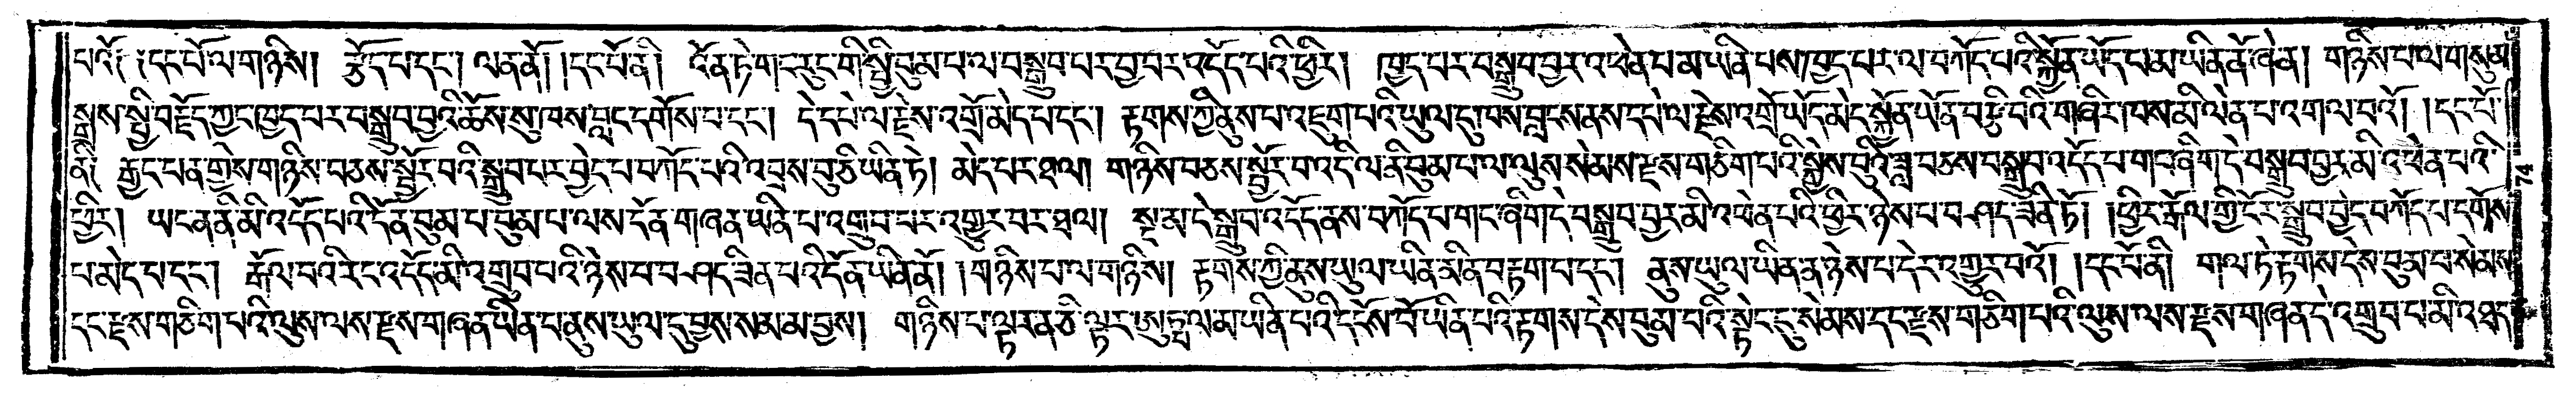པའོ༑ ༑དང་པོ་ལ་གཉིས། རྩོད་པ་དང་། ལན་ནོ། །དང་པོ་ནི། འོན་ཏེ་གང་རུང་གི་སྤྱི་བུམ་པ་ལ་བསྒྲུབ་པར་བྱ་བར་འདོད་པའི་ཕྱིར། ཁྱད་པར་བསྒྲུབ་བྱར་འཕེན་པ་མ་ཡིན་པས་ཁྱད་པར་ལ་བཀོད་པའི་སྐྱོན་ཡོད་པ་མ་ཡིན་ནོ་ཞེ་ན། གཉིས་པ་ལ་གསུམ་
སྒྲས་སྤྱི་བརྗོད་ཀྱང་ཁྱད་པར་བསྒྲུབ་བྱའི་ཆོས་སུ་ཁས་བླང་དགོས་པ་དང་། དེ་དཔེ་ལ་རྗེས་འགྲོ་མེད་པ་དང་། རྟགས་ཀྱི་ནུས་པ་འཇུག་པའི་ཡུལ་དུ་ཁས་བླངས་ནས་དཔེ་ལ་རྗེས་འགྲོ་ཡོད་མེད་སྐྱོན་ཡོན་བརྩི་བའི་གཞིར་ཁས་མི་ལེན་པ་འགལ་བའོ། །དང་པོ་
ནི༑ རྒྱང་པན་གྱིས་གཉིས་བཅས་སྦྱོར་བའི་སྒྲུབ་པར་བྱེད་པ་བཀོད་པའི་འབྲས་བུ་ཅི་ཡིན་ཏེ། མེད་པར་ཐལ། གཉིས་བཅས་སྦྱོར་བ་འདི་ལ་ནི་བུམ་པ་ལ་ལུས་སེམས་རྫས་གཅིག་པའི་སྐྱེས་བུའི་ཟླ་བཅས་བསྒྲུབ་འདོད་པ་གང་ཞིག་དེ་བསྒྲུབ་བྱར་མི་འཕེན་པའི་
ཕྱིར། ཡང་ན་ནི་མི་འདོད་པའི་དོན་བུམ་པ་བུམ་པ་ལས་དོན་གཞན་ཡིན་པ་འགྲུབ་པར་འགྱུར་བར་ཐལ། སྔ་མ་དེ་སྒྲུབ་འདོད་ནས་བཀོད་པ་གང་ཞིག་དེ་བསྒྲུབ་བྱར་མི་འཕེན་པའི་ཕྱིར་ཉེས་པ་བཤད་ཟིན་ཏོ། །ཕྱིར་རྒོལ་གྱི་ངོར་སྒྲུབ་བྱེད་བཀོད་པ་དགོས་
པ་མེད་པ་དང་། རྒོལ་བའི་རང་འདོད་མི་འགྲུབ་པའི་ཉེས་པ་བཤད་ཟིན་པའི་དོན་ཡིན་ནོ། །གཉིས་པ་ལ་གཉིས། རྟགས་ཀྱི་ནུས་ཡུལ་ཡིན་མིན་བརྟག་པ་དང་། ནུས་ཡུལ་ཡིན་ན་ཉེས་པ་དེར་འགྱུར་བའོ། །དང་པོ་ནི། གལ་ཏེ་རྟགས་དེས་བུམ་པ་སེམས་
དང་རྫས་གཅིག་པའི་ལུས་ལས་རྫས་གཞན་ཡིན་པ་ནུས་ཡུལ་དུ་བྱས་སམ་མ་བྱས། གཉིས་པ་ལྟར་ན་ཅི་ལྟར་ཨུཏྤལ་མ་ཡིན་པའི་དངོས་བོ་ཡིན་པའི་རྟགས་དེས་བུམ་པའི་སྟེང་དུ་སེམས་དང་རྫས་གཅིག་པའི་ལུས་ལས་རྫས་གཞན་དེ་འགྲུབ་པ་མི་འཐད་